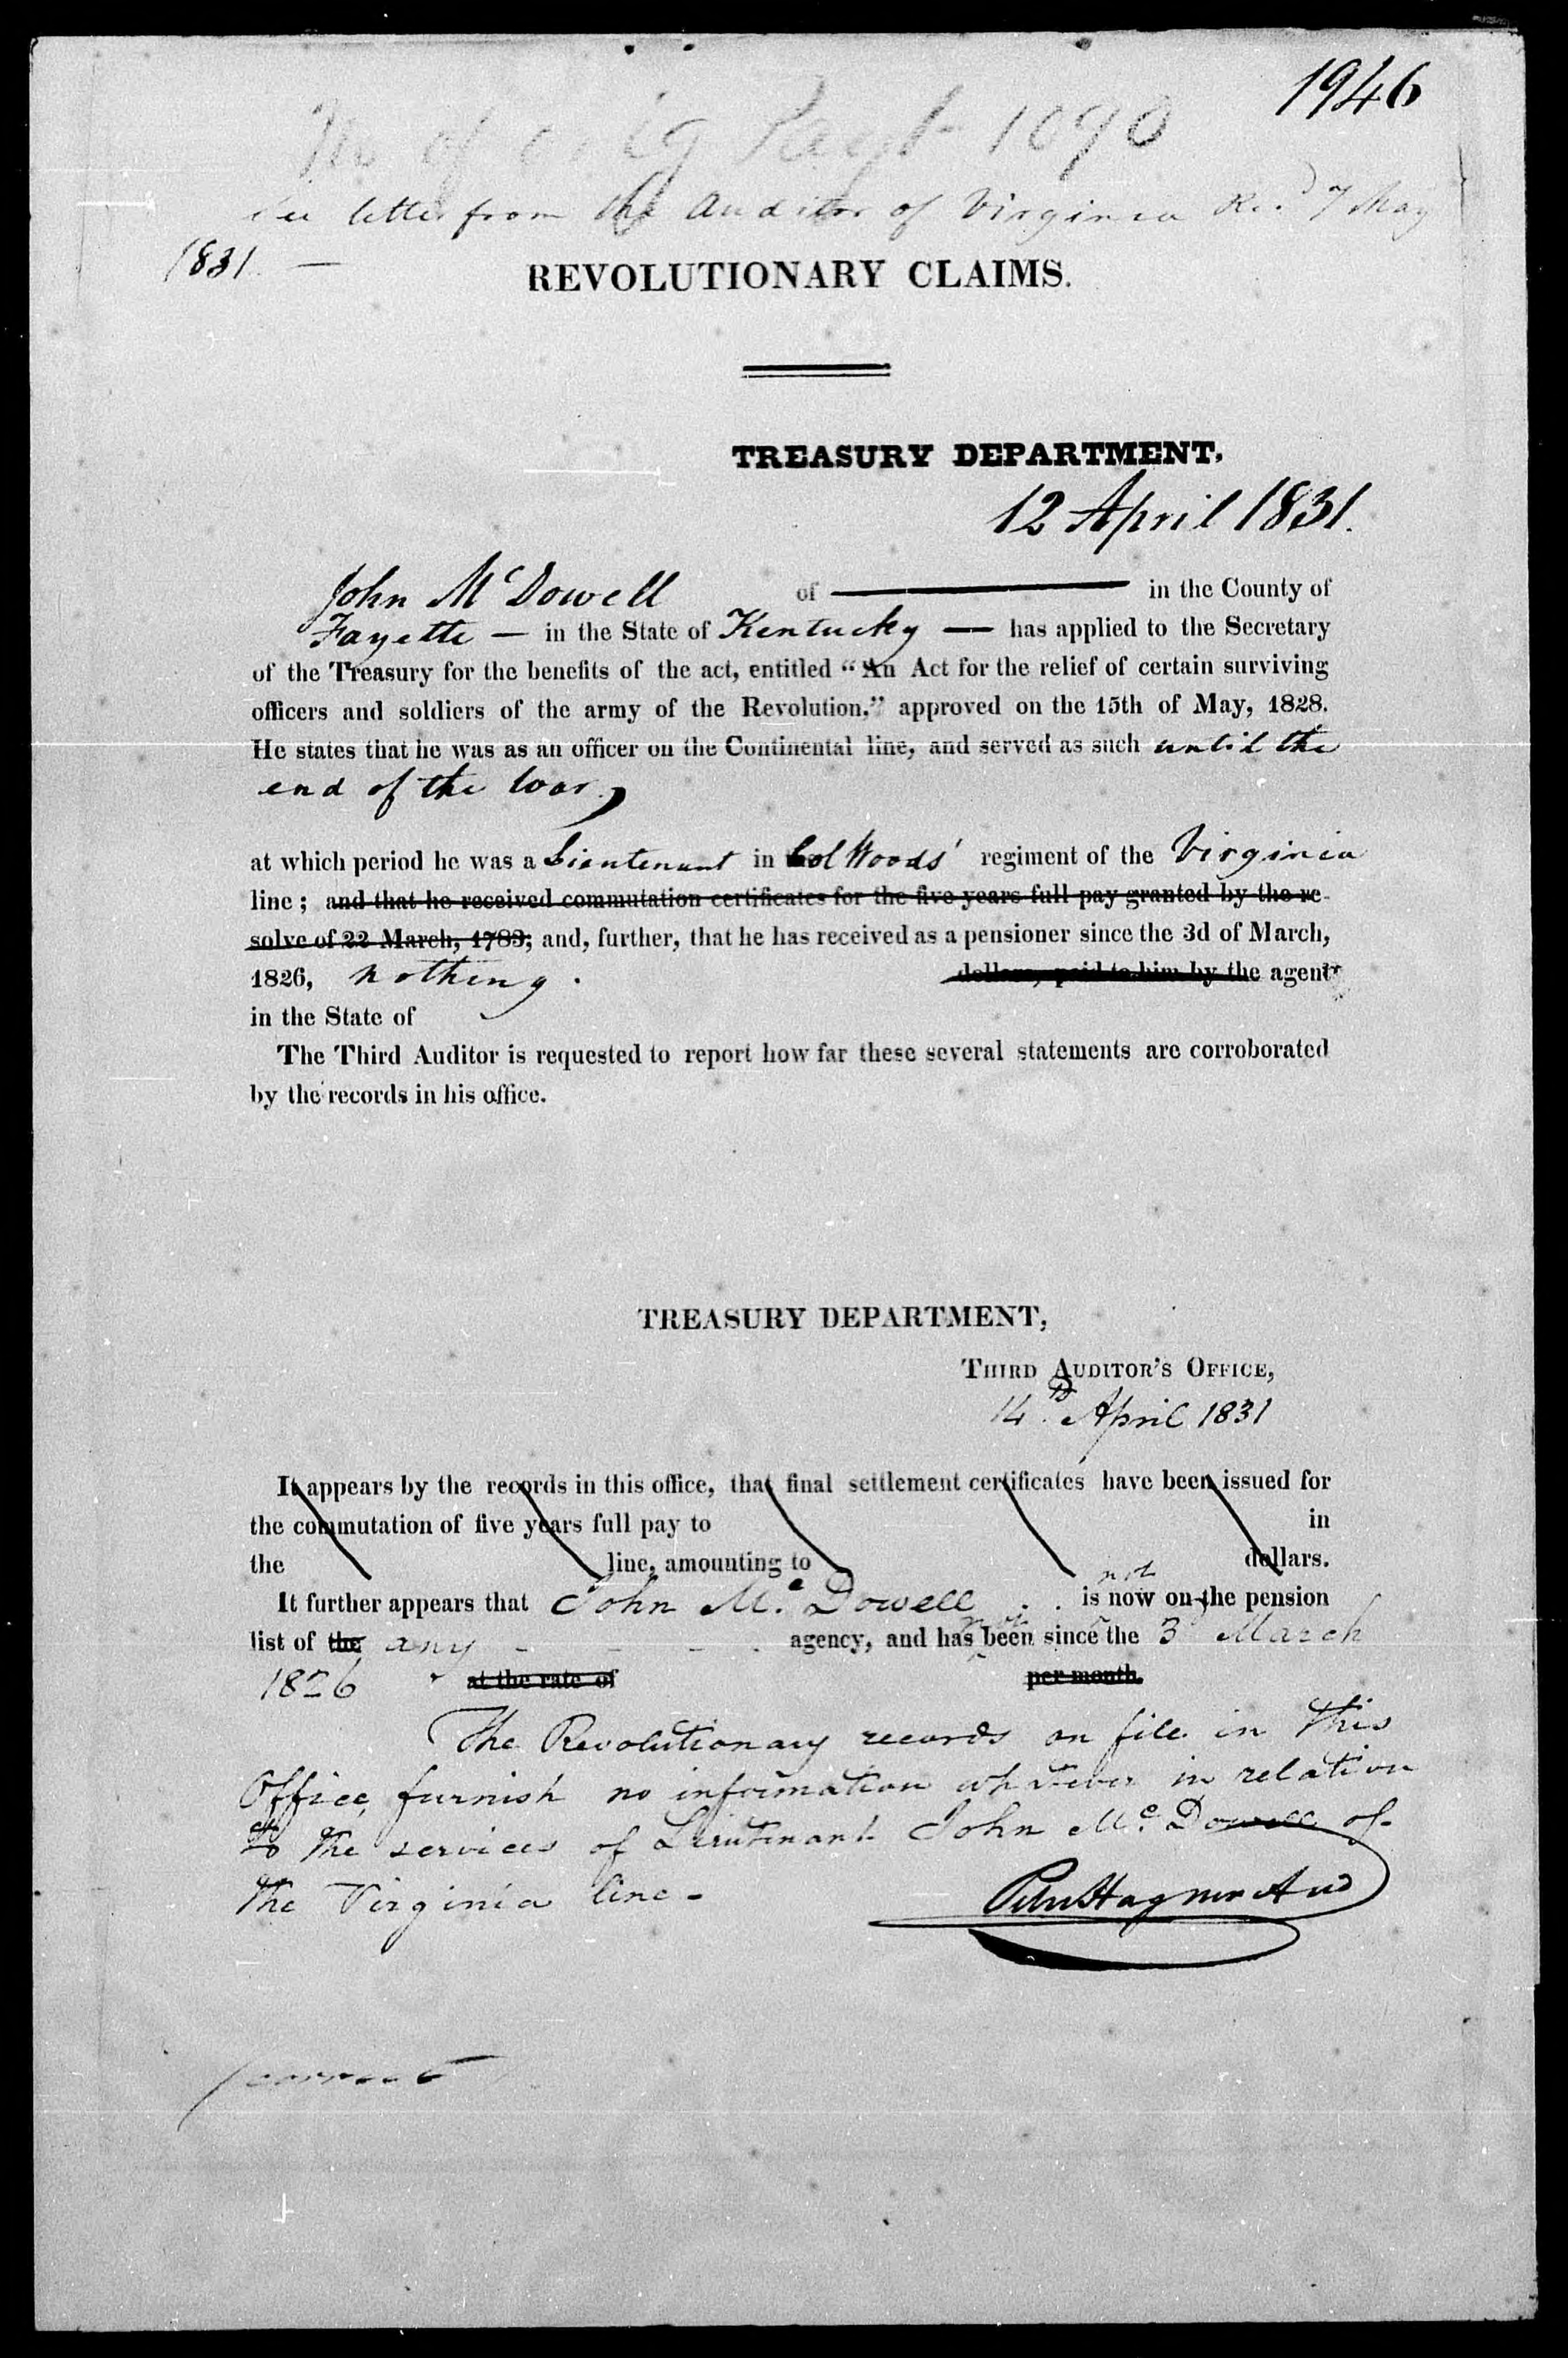1946
No of orig Payt 1090
See letter from the Auditor of Virginia Recd 7 May 1831-
REVOLUTIONARY CLAIMS.

TREASURY DEPARTMENT, 
12 April 1831.
John McDowell of - in the County of Fayette - in the State of Kentucky - has applied to the Secretary of the Treasury for the benefits of the act, entitled "An Act for the relief of certain surviving officers and soldiers of the army of the Revolution," approved on the 15th of May, 1828. He states that he was an officer on the Continental line, and served as such until the end of the War,
at which period he was a Lieutenant in Col Woods' regiment of the Virginia line; and, further, that he has received as a pensioner since the 3d of March, 1826, nothing. 
agent in the State of
The Third Auditor is requested to report how far these several statements are corroborated by the records in his office.

TREASURY DEPARTMENT,
THIRD AUDITOR'S OFFICE,
14th April 1831
It further appears that John McDowell is not now on the pension list of any - - - agency, and has not been since the 3d March 1826
The Revolutionary records on file in this Office, furnish no information whatever in relation to the services of Lieutenant John McDowell of the Virginia line -
Peter Hagner Aud
/correct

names: John Mc Dowell; [BLANK] Woods; Peter Hagner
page: 30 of 47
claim: survivor's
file: S. 30578, for John Mc Dowell, Virginia